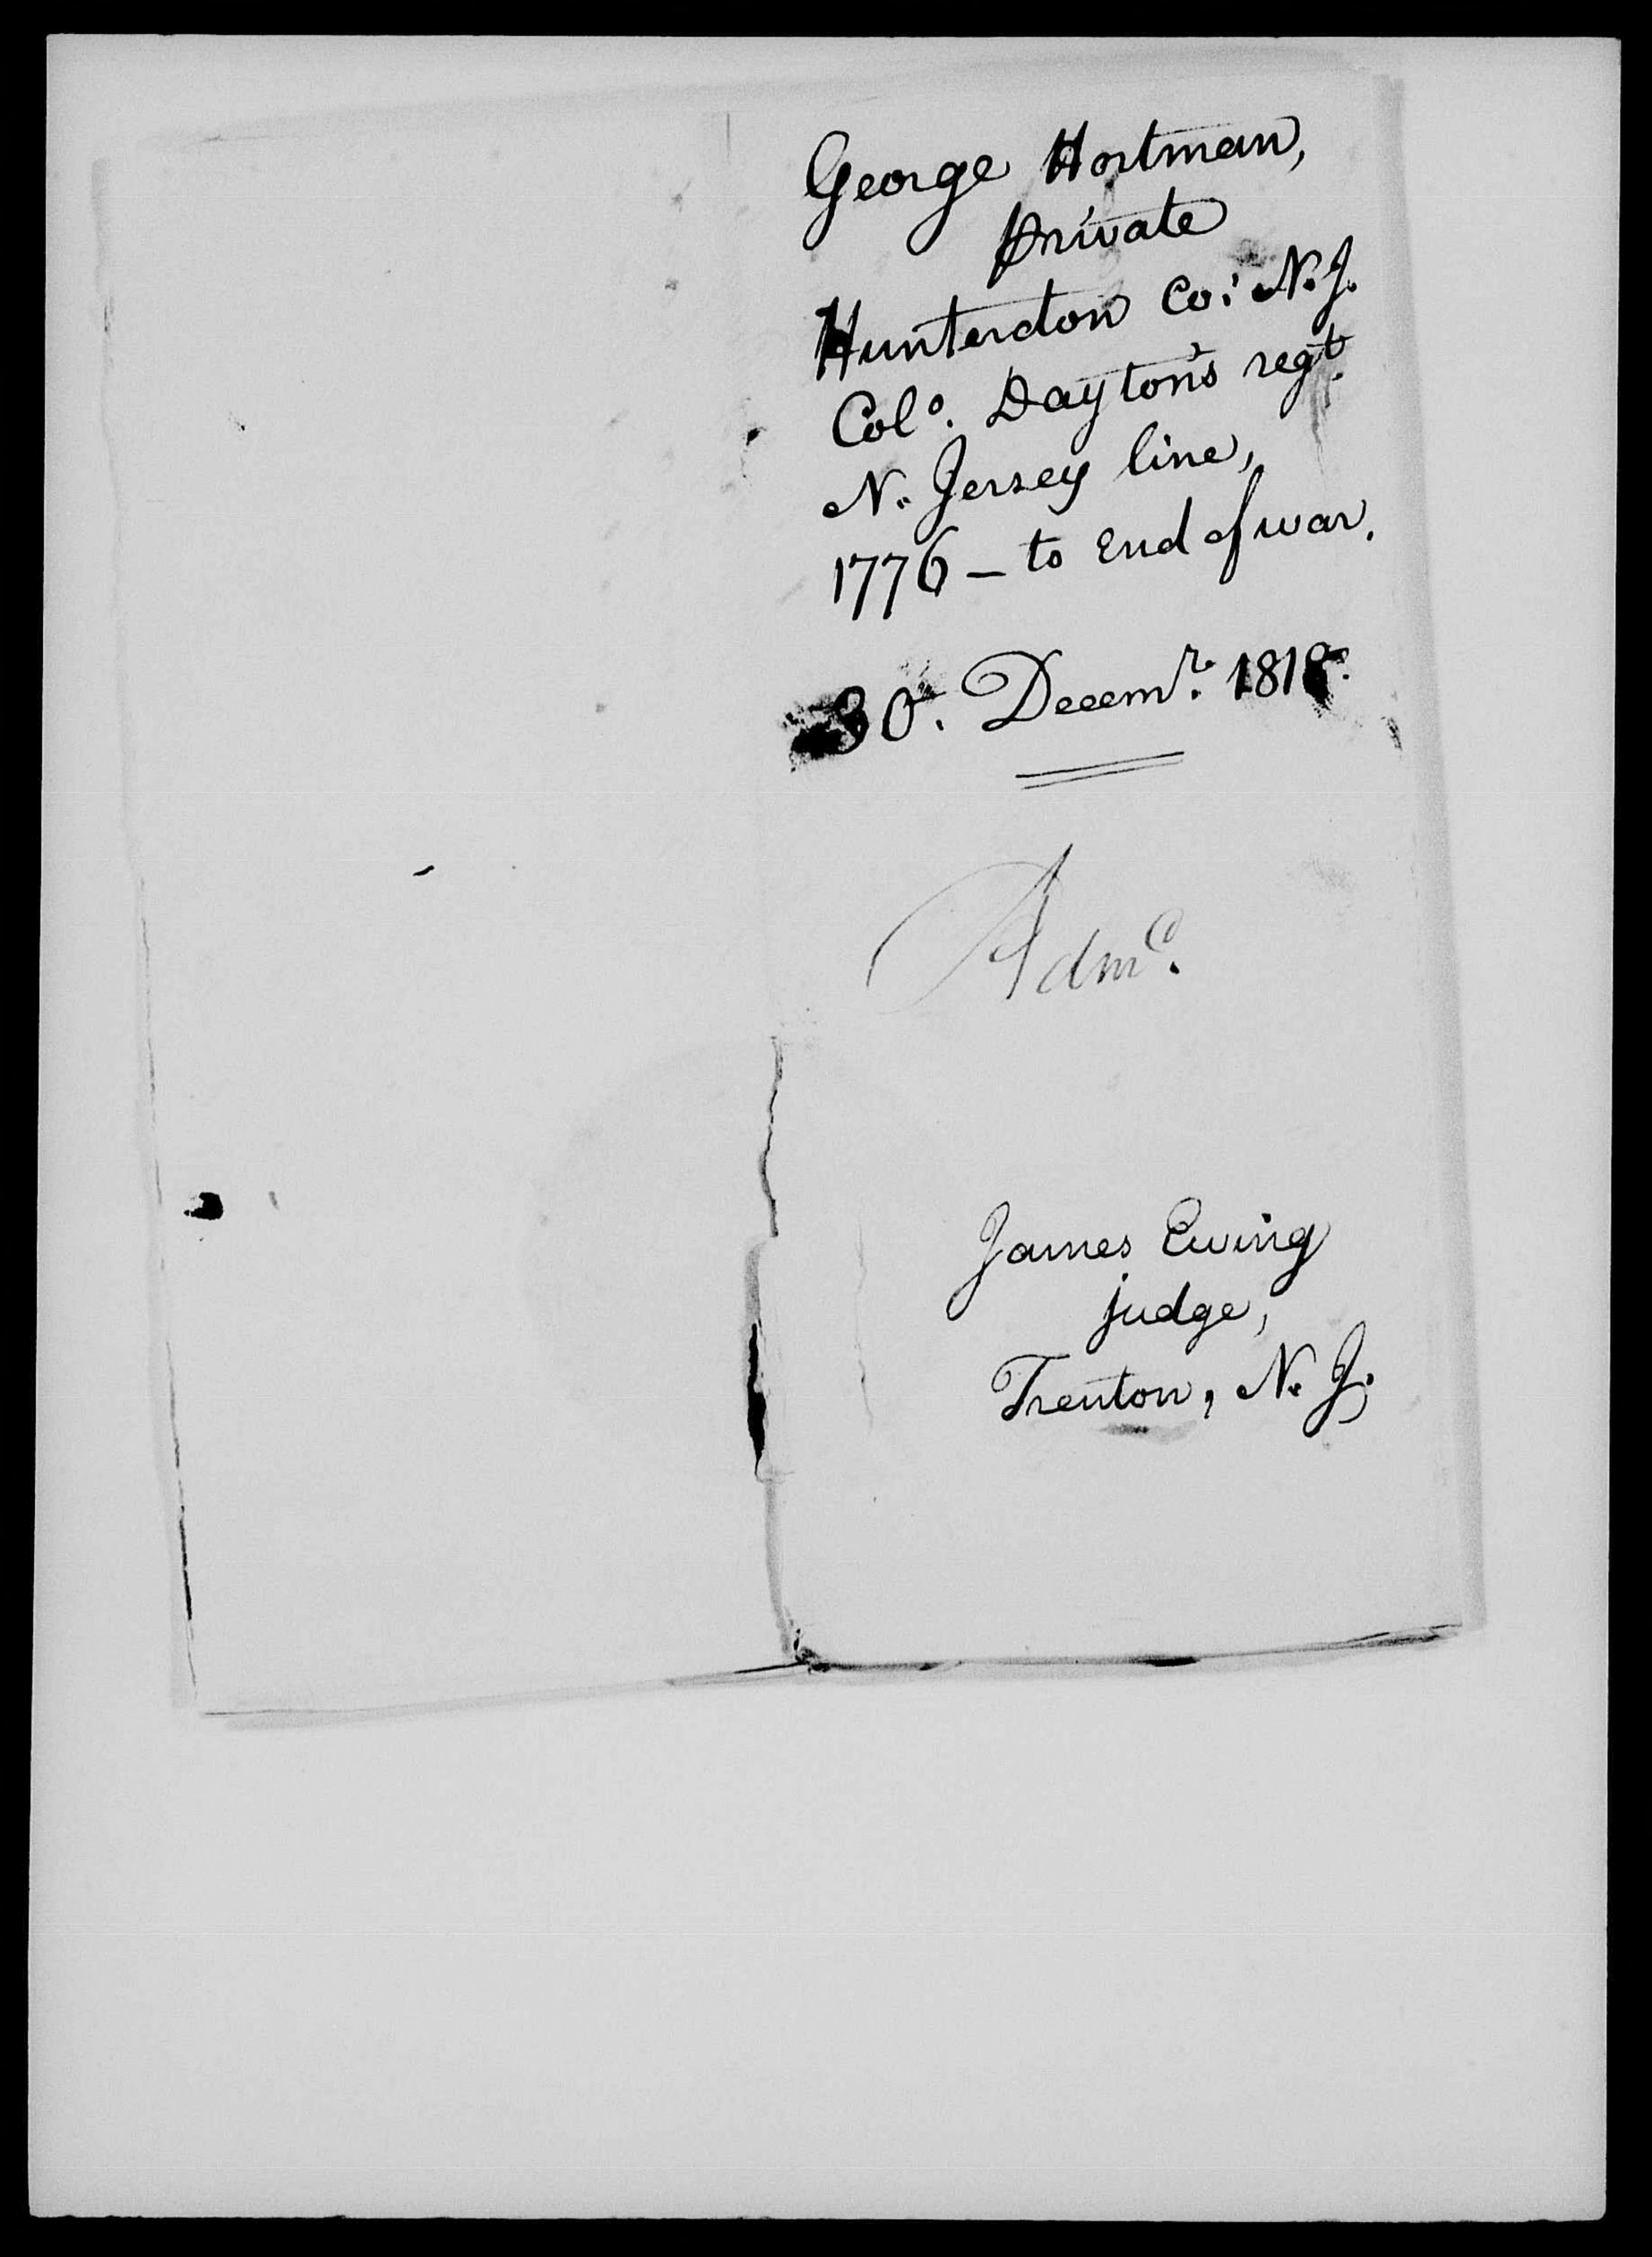George Hortman
Private
Hunterdon Co. N.J.
Col Dayton's regt
N Jersey line,
1776 - to end of war
30 Decemr. 1818
=======
Adm.
James Ewing
judge,
Trenton, N.J.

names: George Hortman, James Ewing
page: 20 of 29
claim: widow's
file: W. 2,789, George Hartman, New Jersey